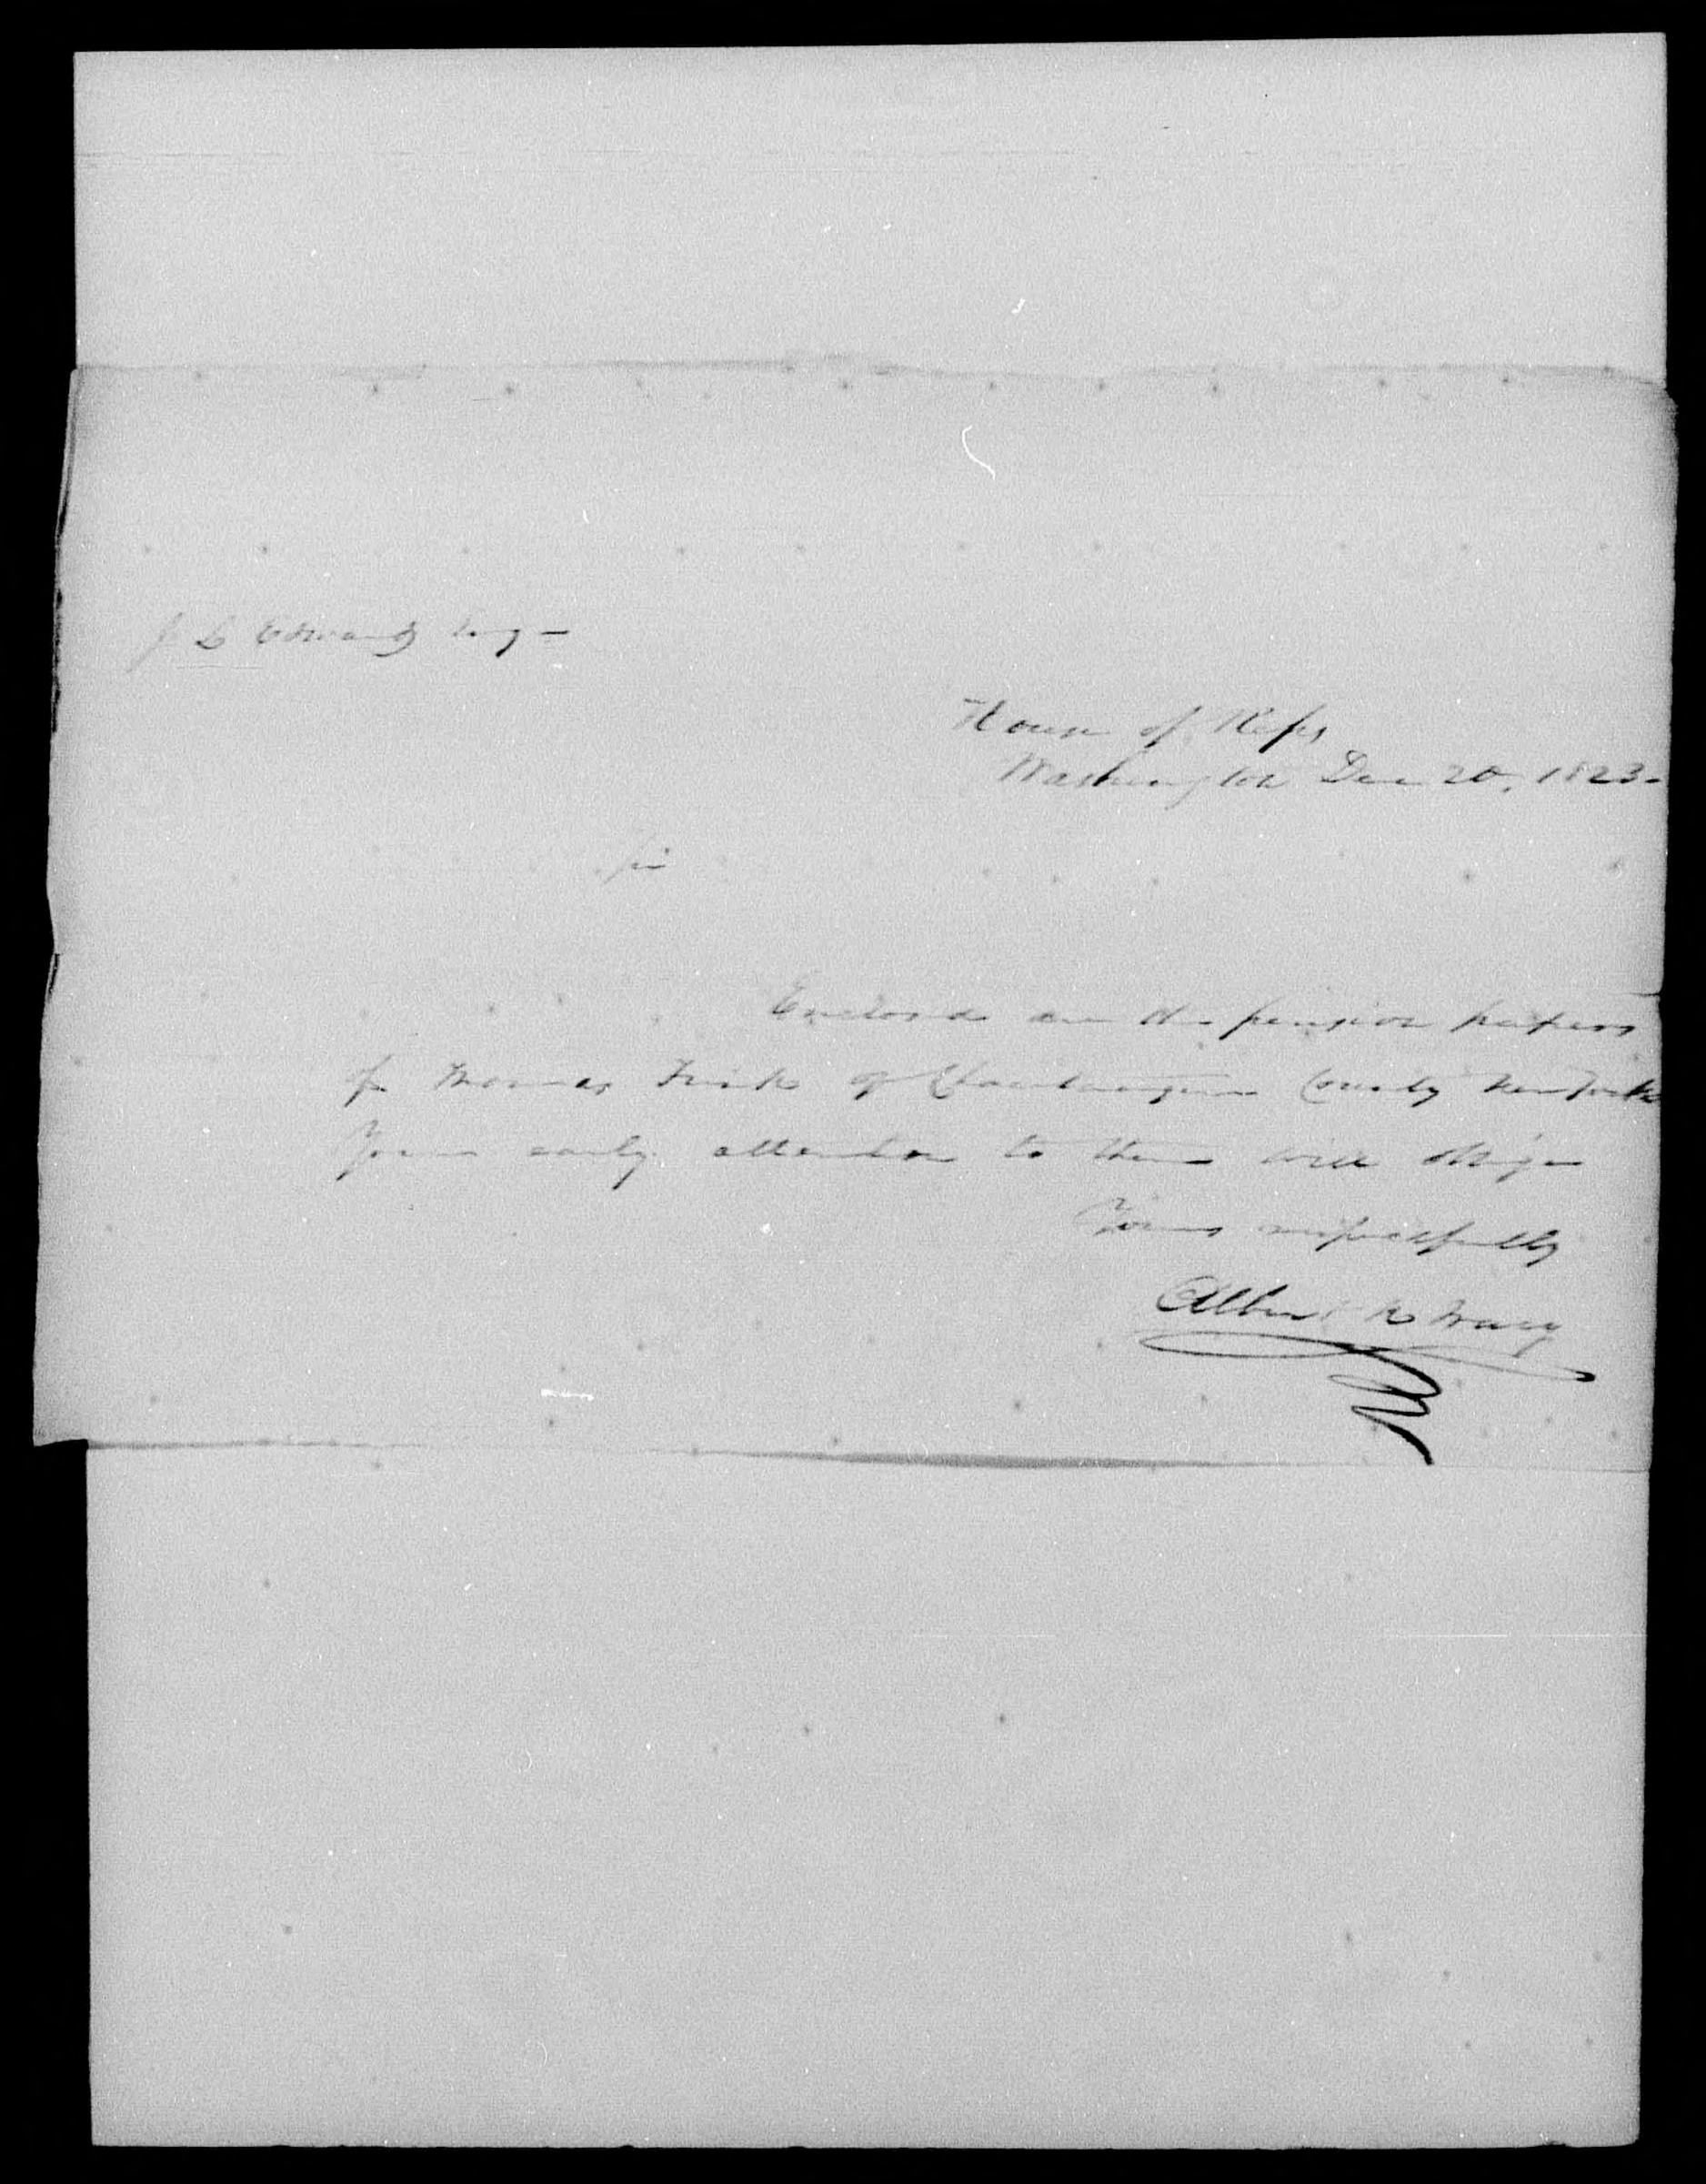J. L. Edwards Esq

House of Reps Washington Dec 20, 1823 
Sir
Enclosed are the pension papers of Thomas Frink of Chautauqua County New York for early attention to the their will 
Yours respectfully 
Albert N Tracy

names: J L Edwards, Albert N Tracy, Thomas Frink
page: 12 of 33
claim: survivor's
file: S 43571, Thomas Frink, Mass.